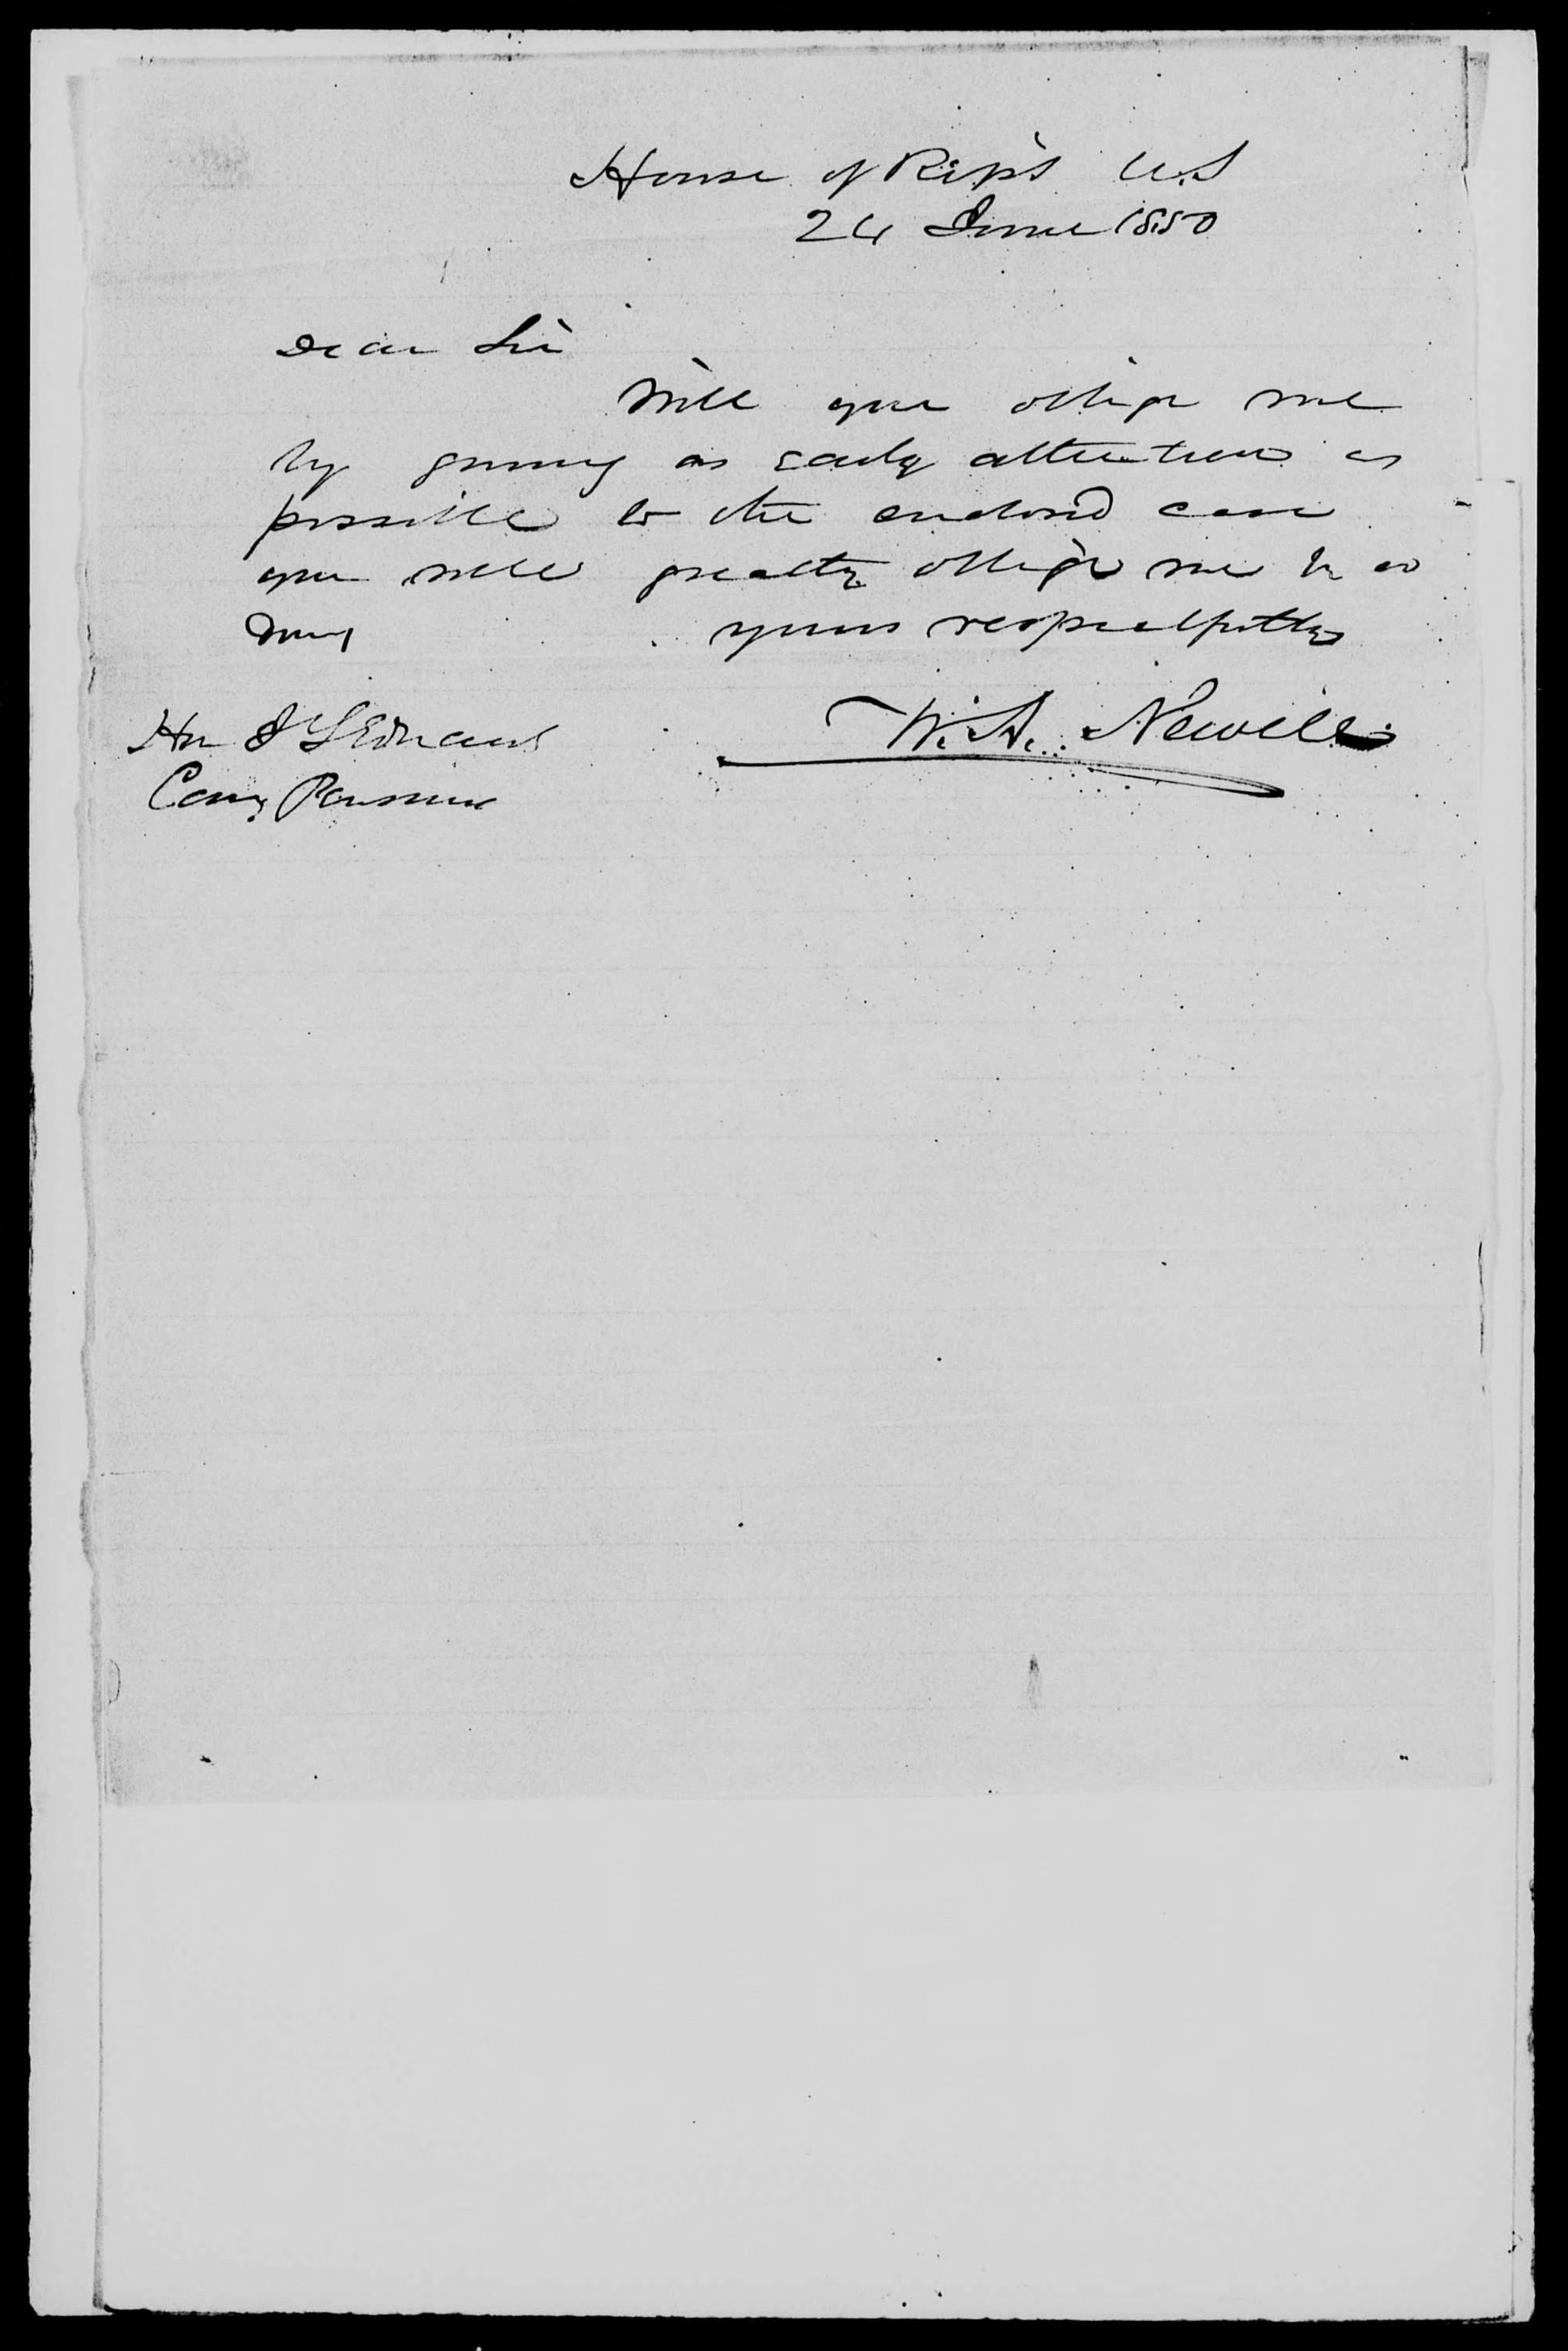House of Reps U.S.
24 June 1850

Dear Sir

Will you oblige me by giving as early attention as possible to the enclosed case you will greatly oblige me bby so doing

Yours respectfully
W. A. Newell


Hon J L Edwards
Commr. Pensions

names: J L Edwards, W A Newell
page: 54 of 77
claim: widow's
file: W. 417, William De Groot, New Jersey